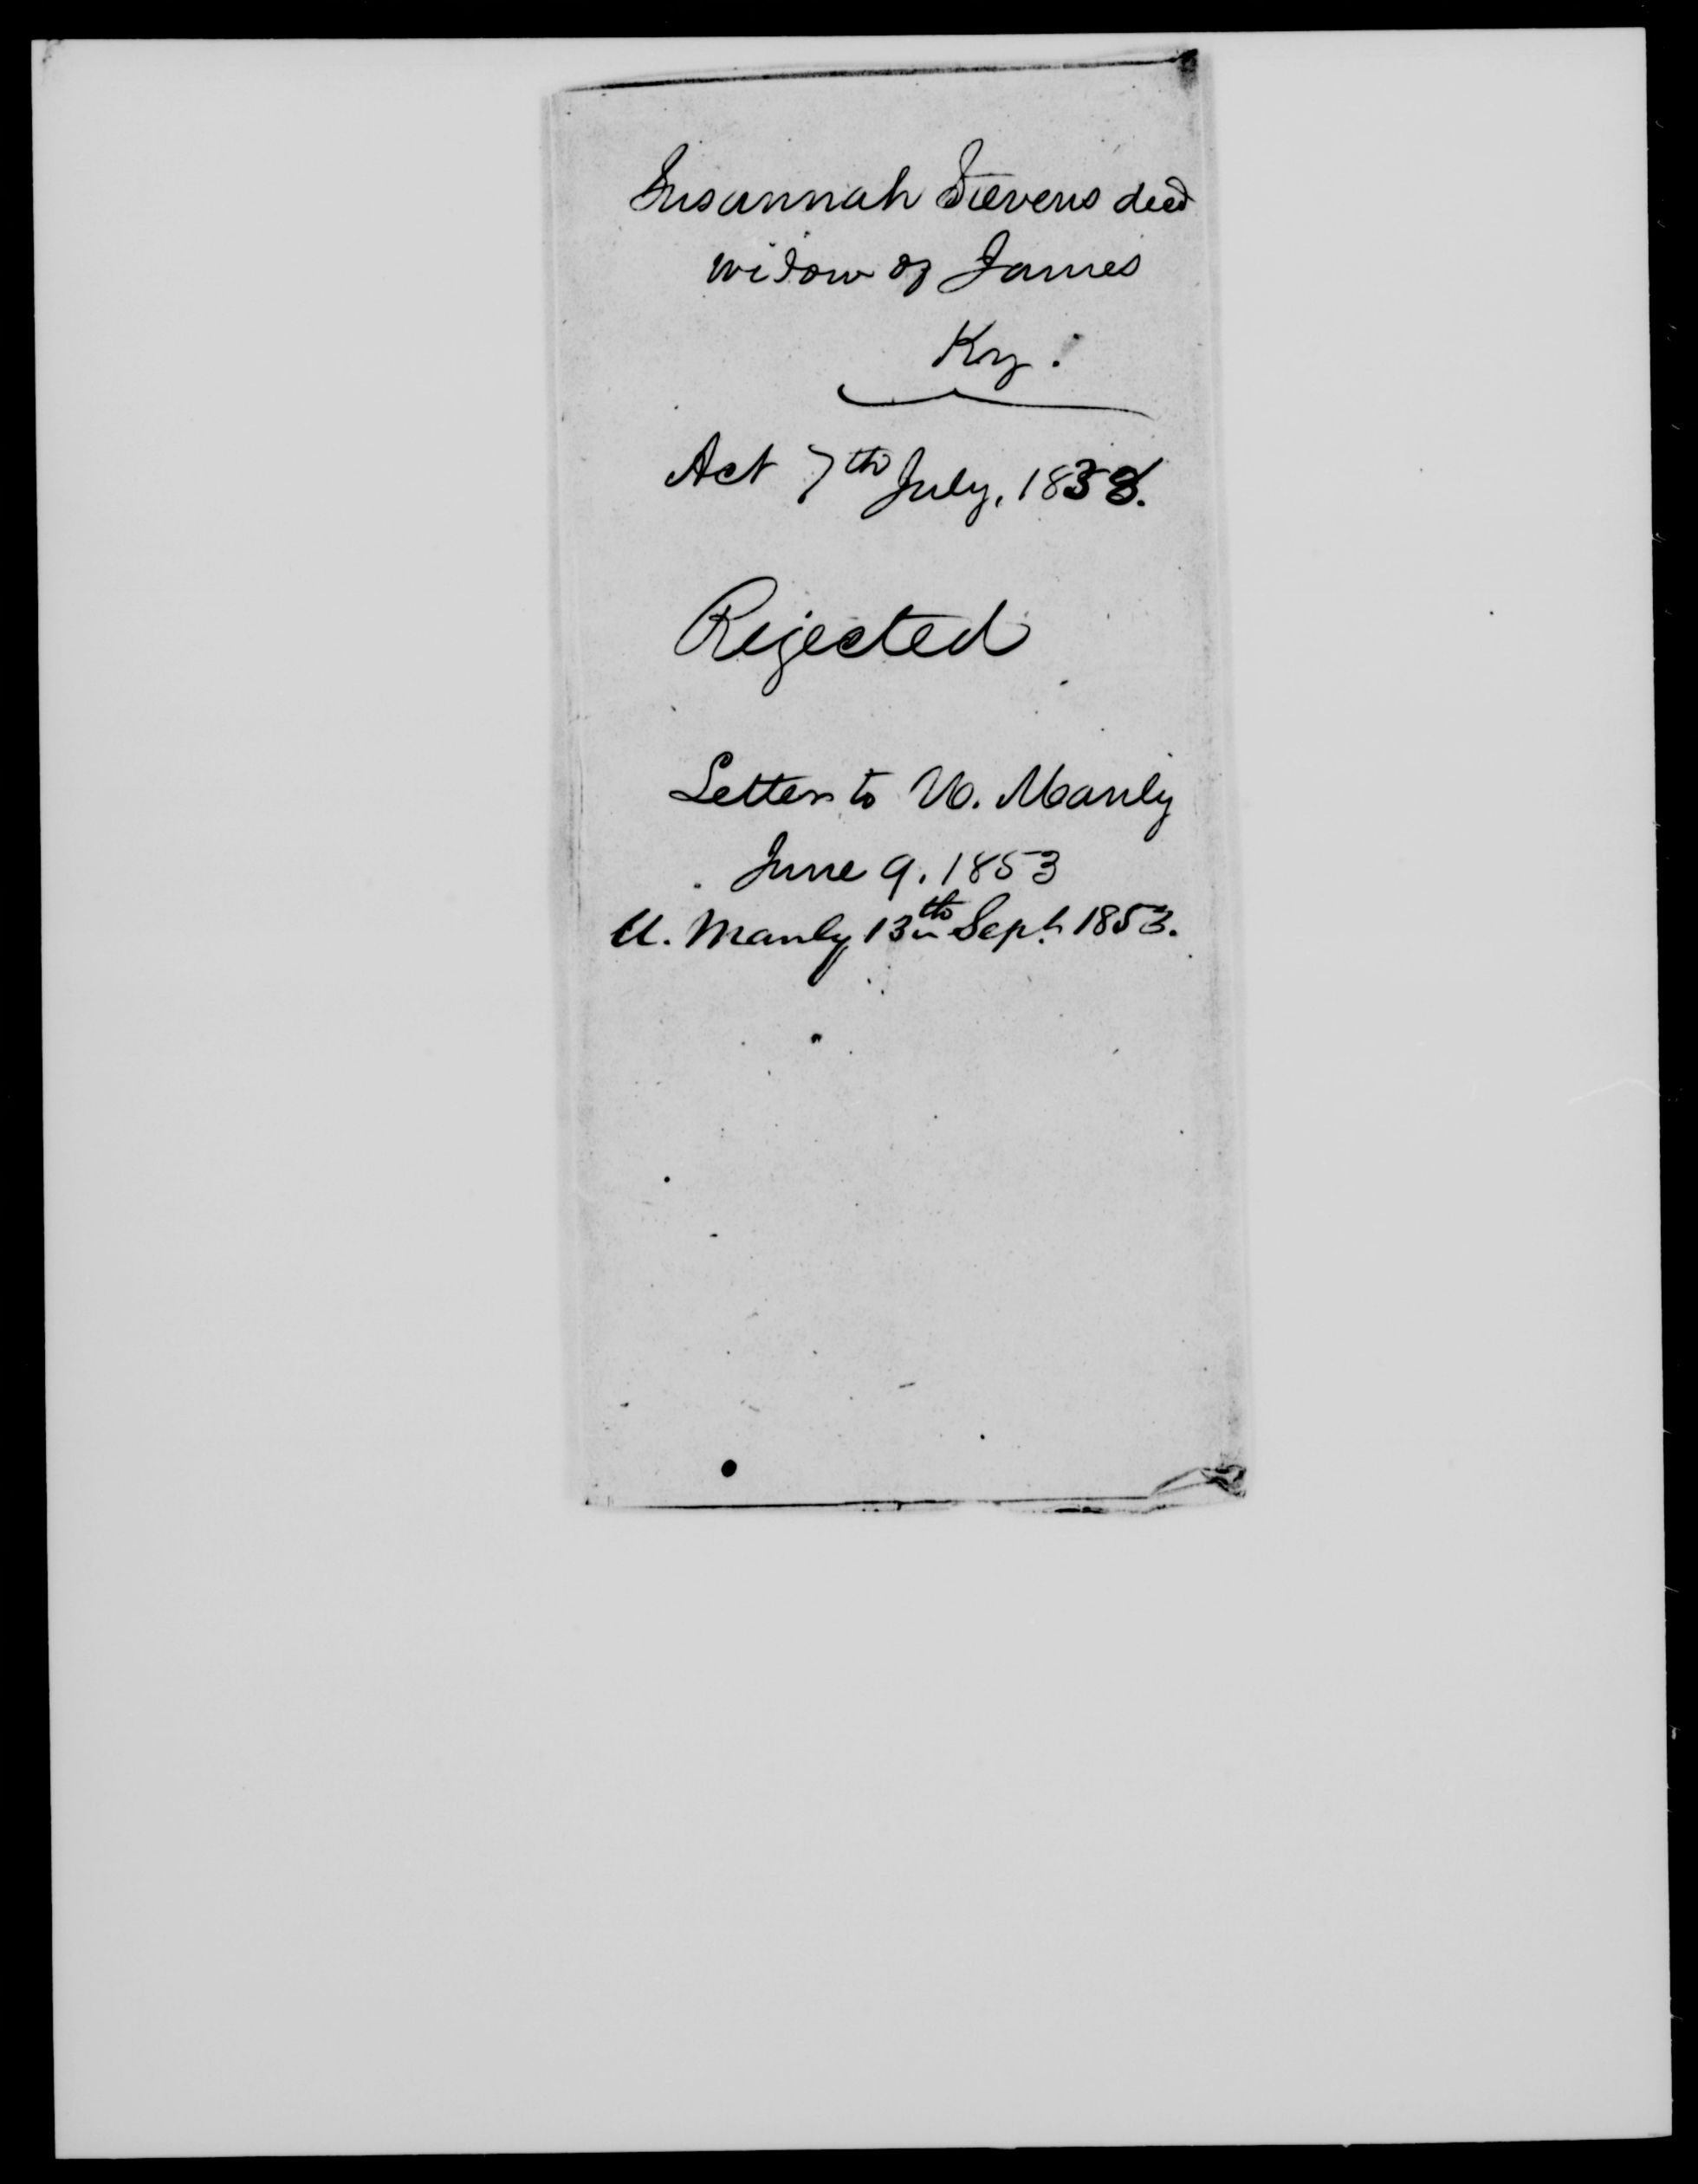Susannah Stevens died
widow of James
Ky.
Act 7th July, 1838.
Rejected
Letter to  U Manly
June 9, 1853
U. Manly 13th Sept. 1853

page: 48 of 99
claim: widow's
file: W 8766, for James Stevens, Virginia